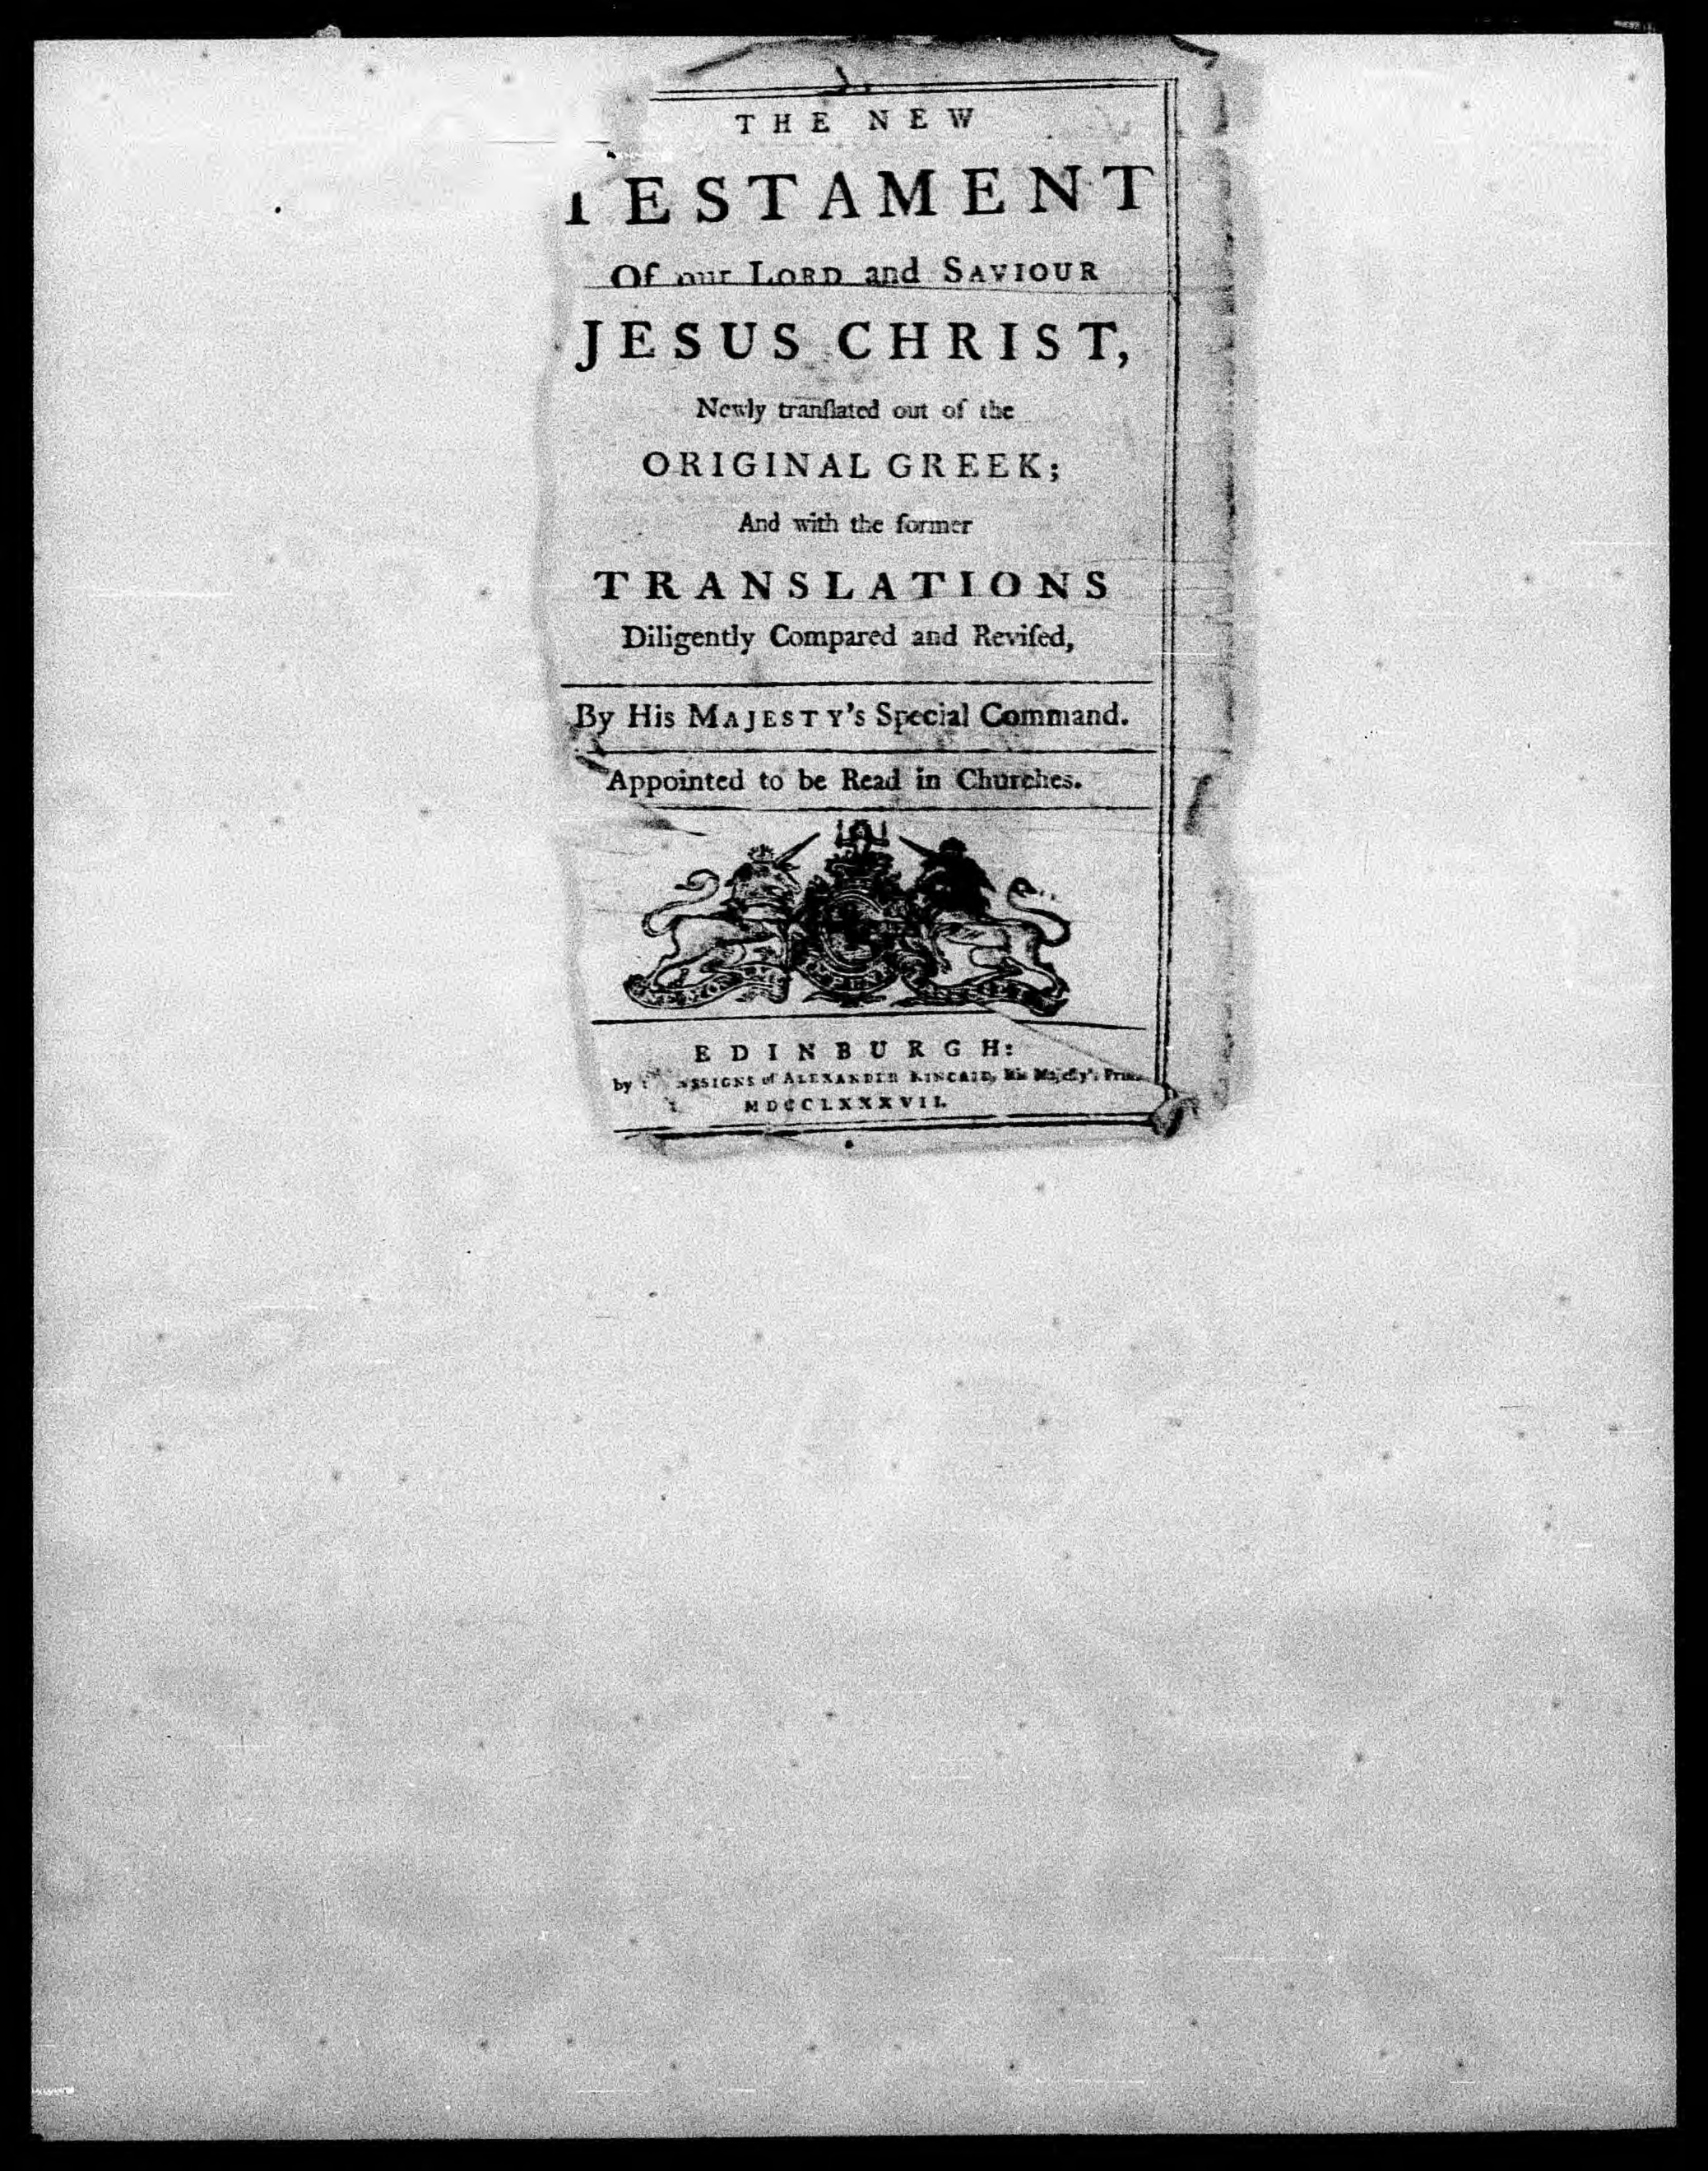The New Testament of our Lord and Saviour Jesus Christ, Newly translated out of the original Greek: And with the former Translations Diligently compared and Revifed
By his Majesty's Special Command. Appointed to be Read in Churches 
(Seal)
Edinburgh
by origin of Alexander Kincaid, his Majesty Printin
MDCCLXXXVIL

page: 16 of 59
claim: widow's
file: W 3703, for Robert Mc Donald, Pennsylvania